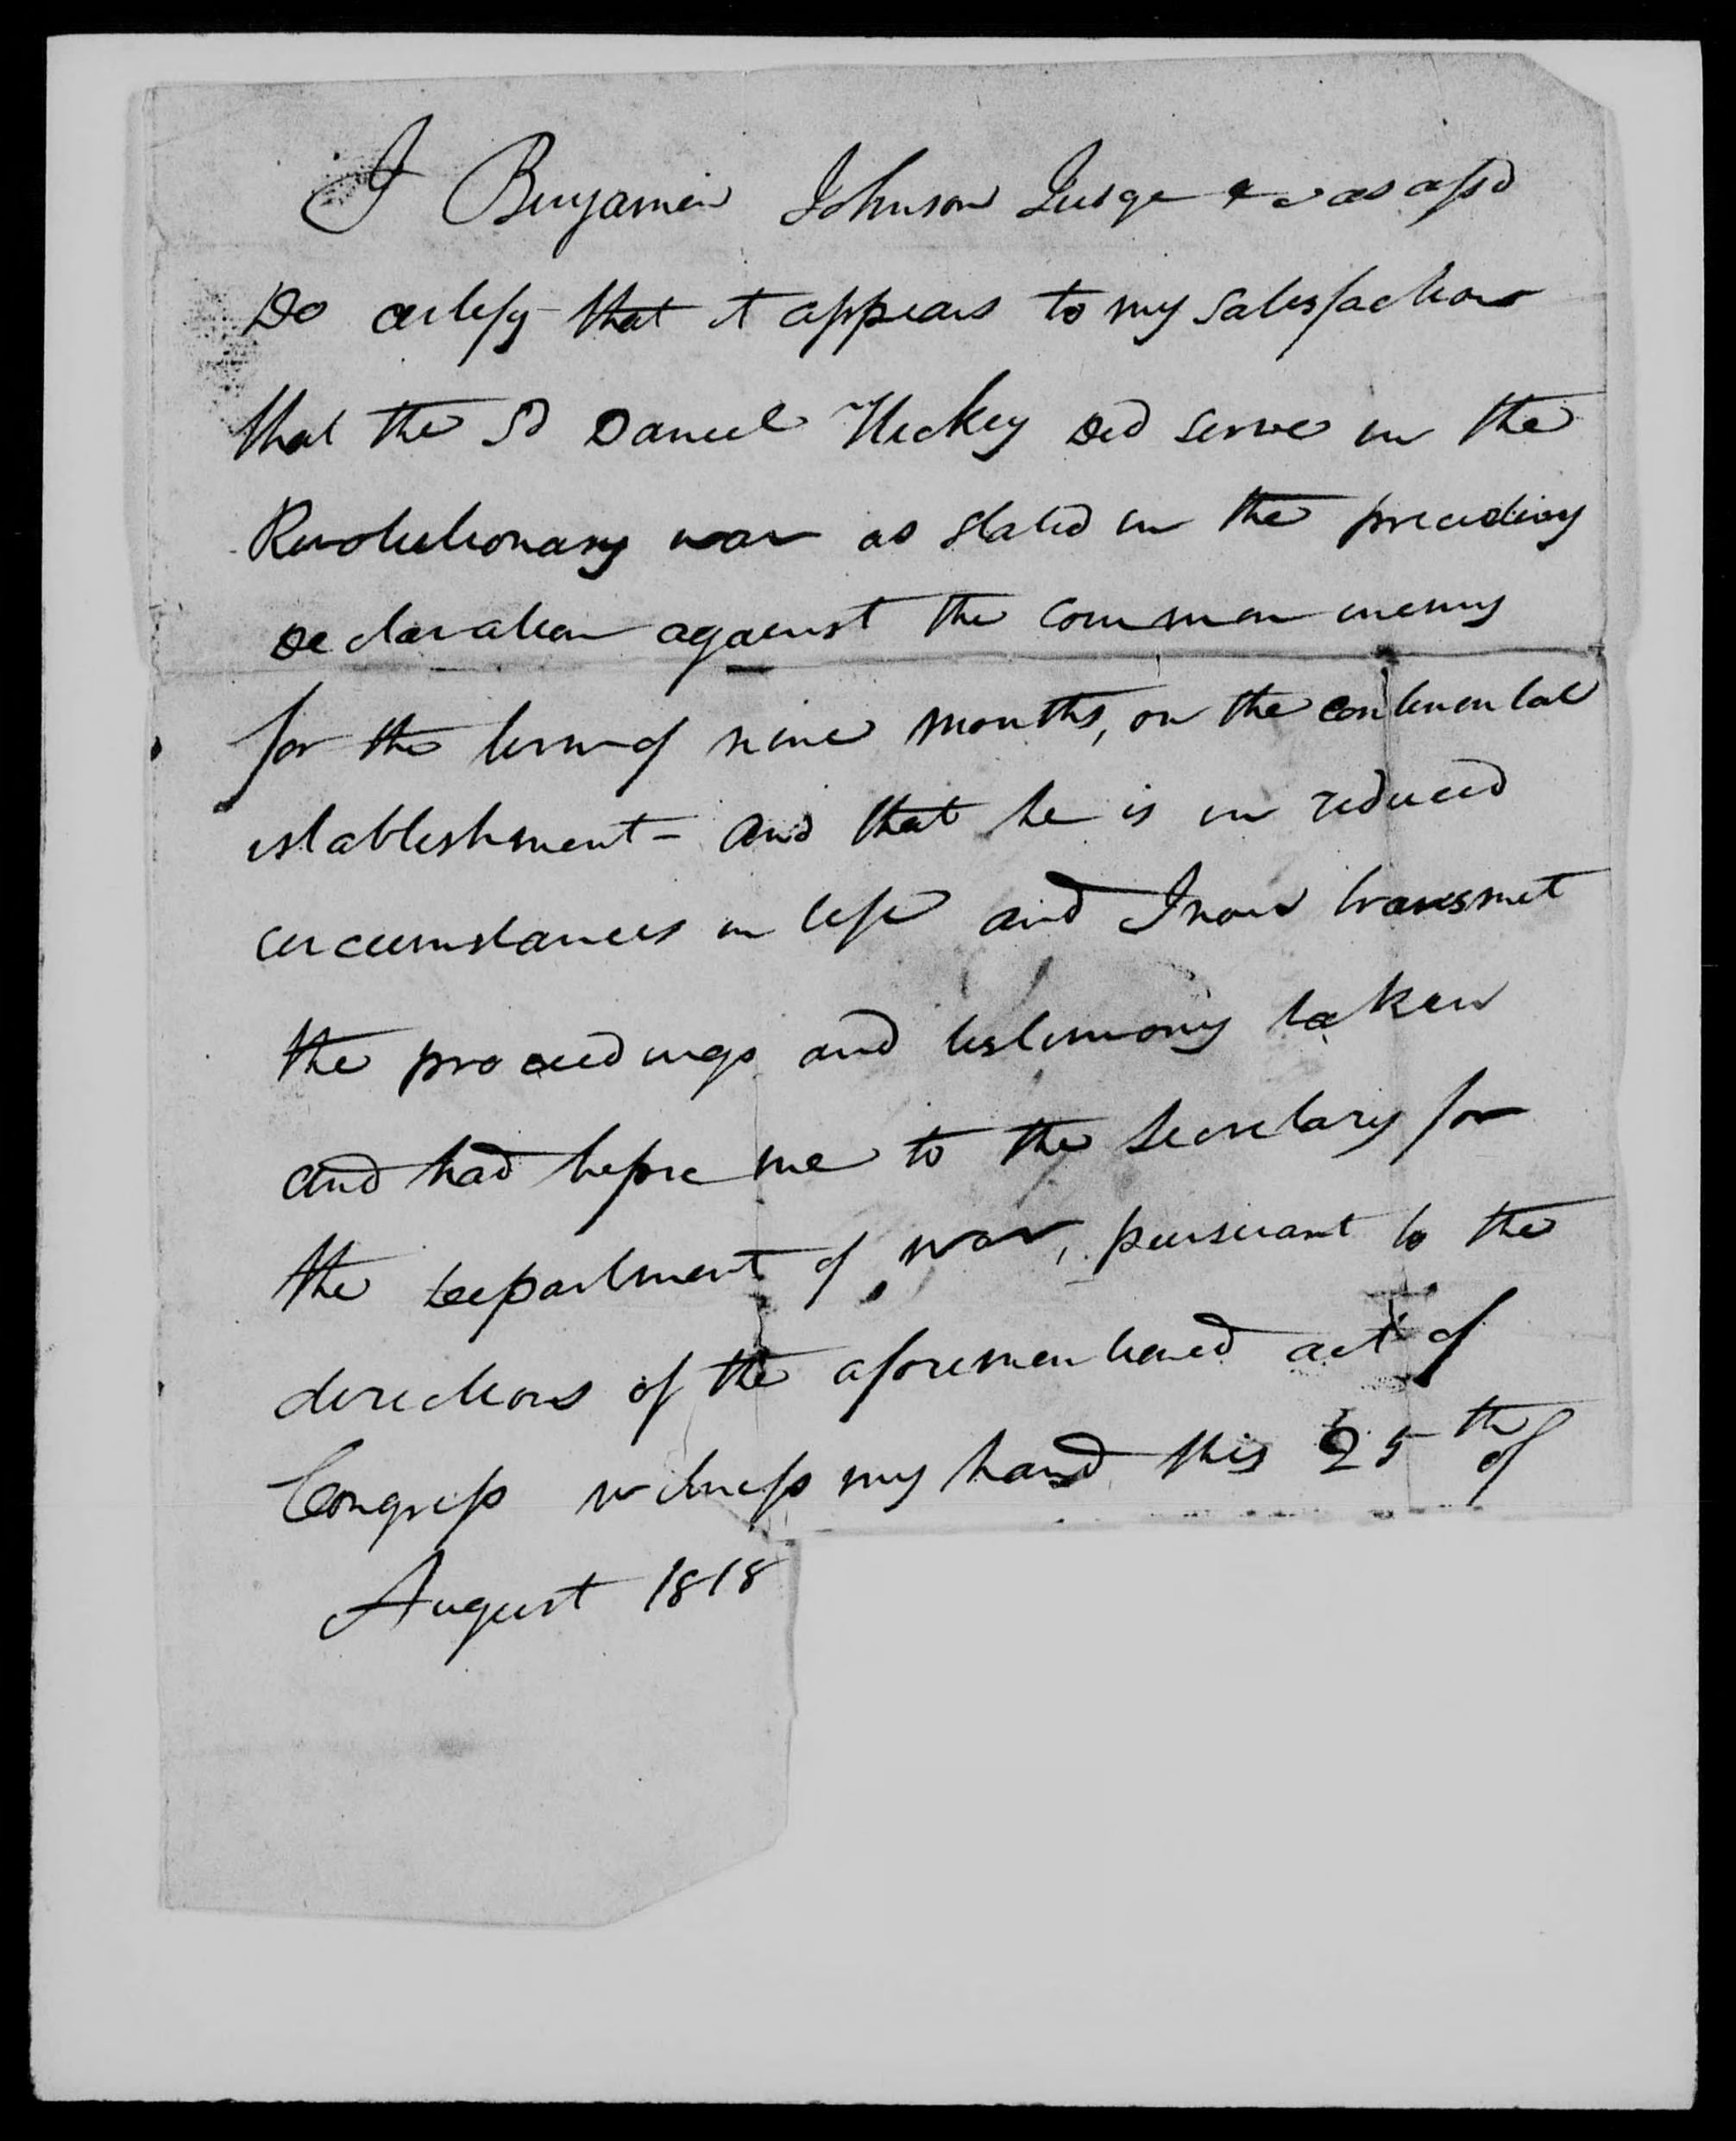I Benjamin Johnson Judge &c as afsd [aforesaid] do certify that it appears to my satisfaction
that the sd [said] Daniel Hickey Did serve in the
Revolutionary war as stated in the preceding
declaration against the common enemy
for the term of nine months, on the continental
establishment. And that he is in reduced
circumstances in life and I now transmit
the proceedings and testimony taken
and had before me to the Secretary for
the Department of war pursuant to the
directions of the aforementioned act of
Congress witness my hand this 25th of
August 1818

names: Daniel Hickey, Benjamin Johnson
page: 11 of 84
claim: widow's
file: W. 7744, Daniel Hickey, Penn.